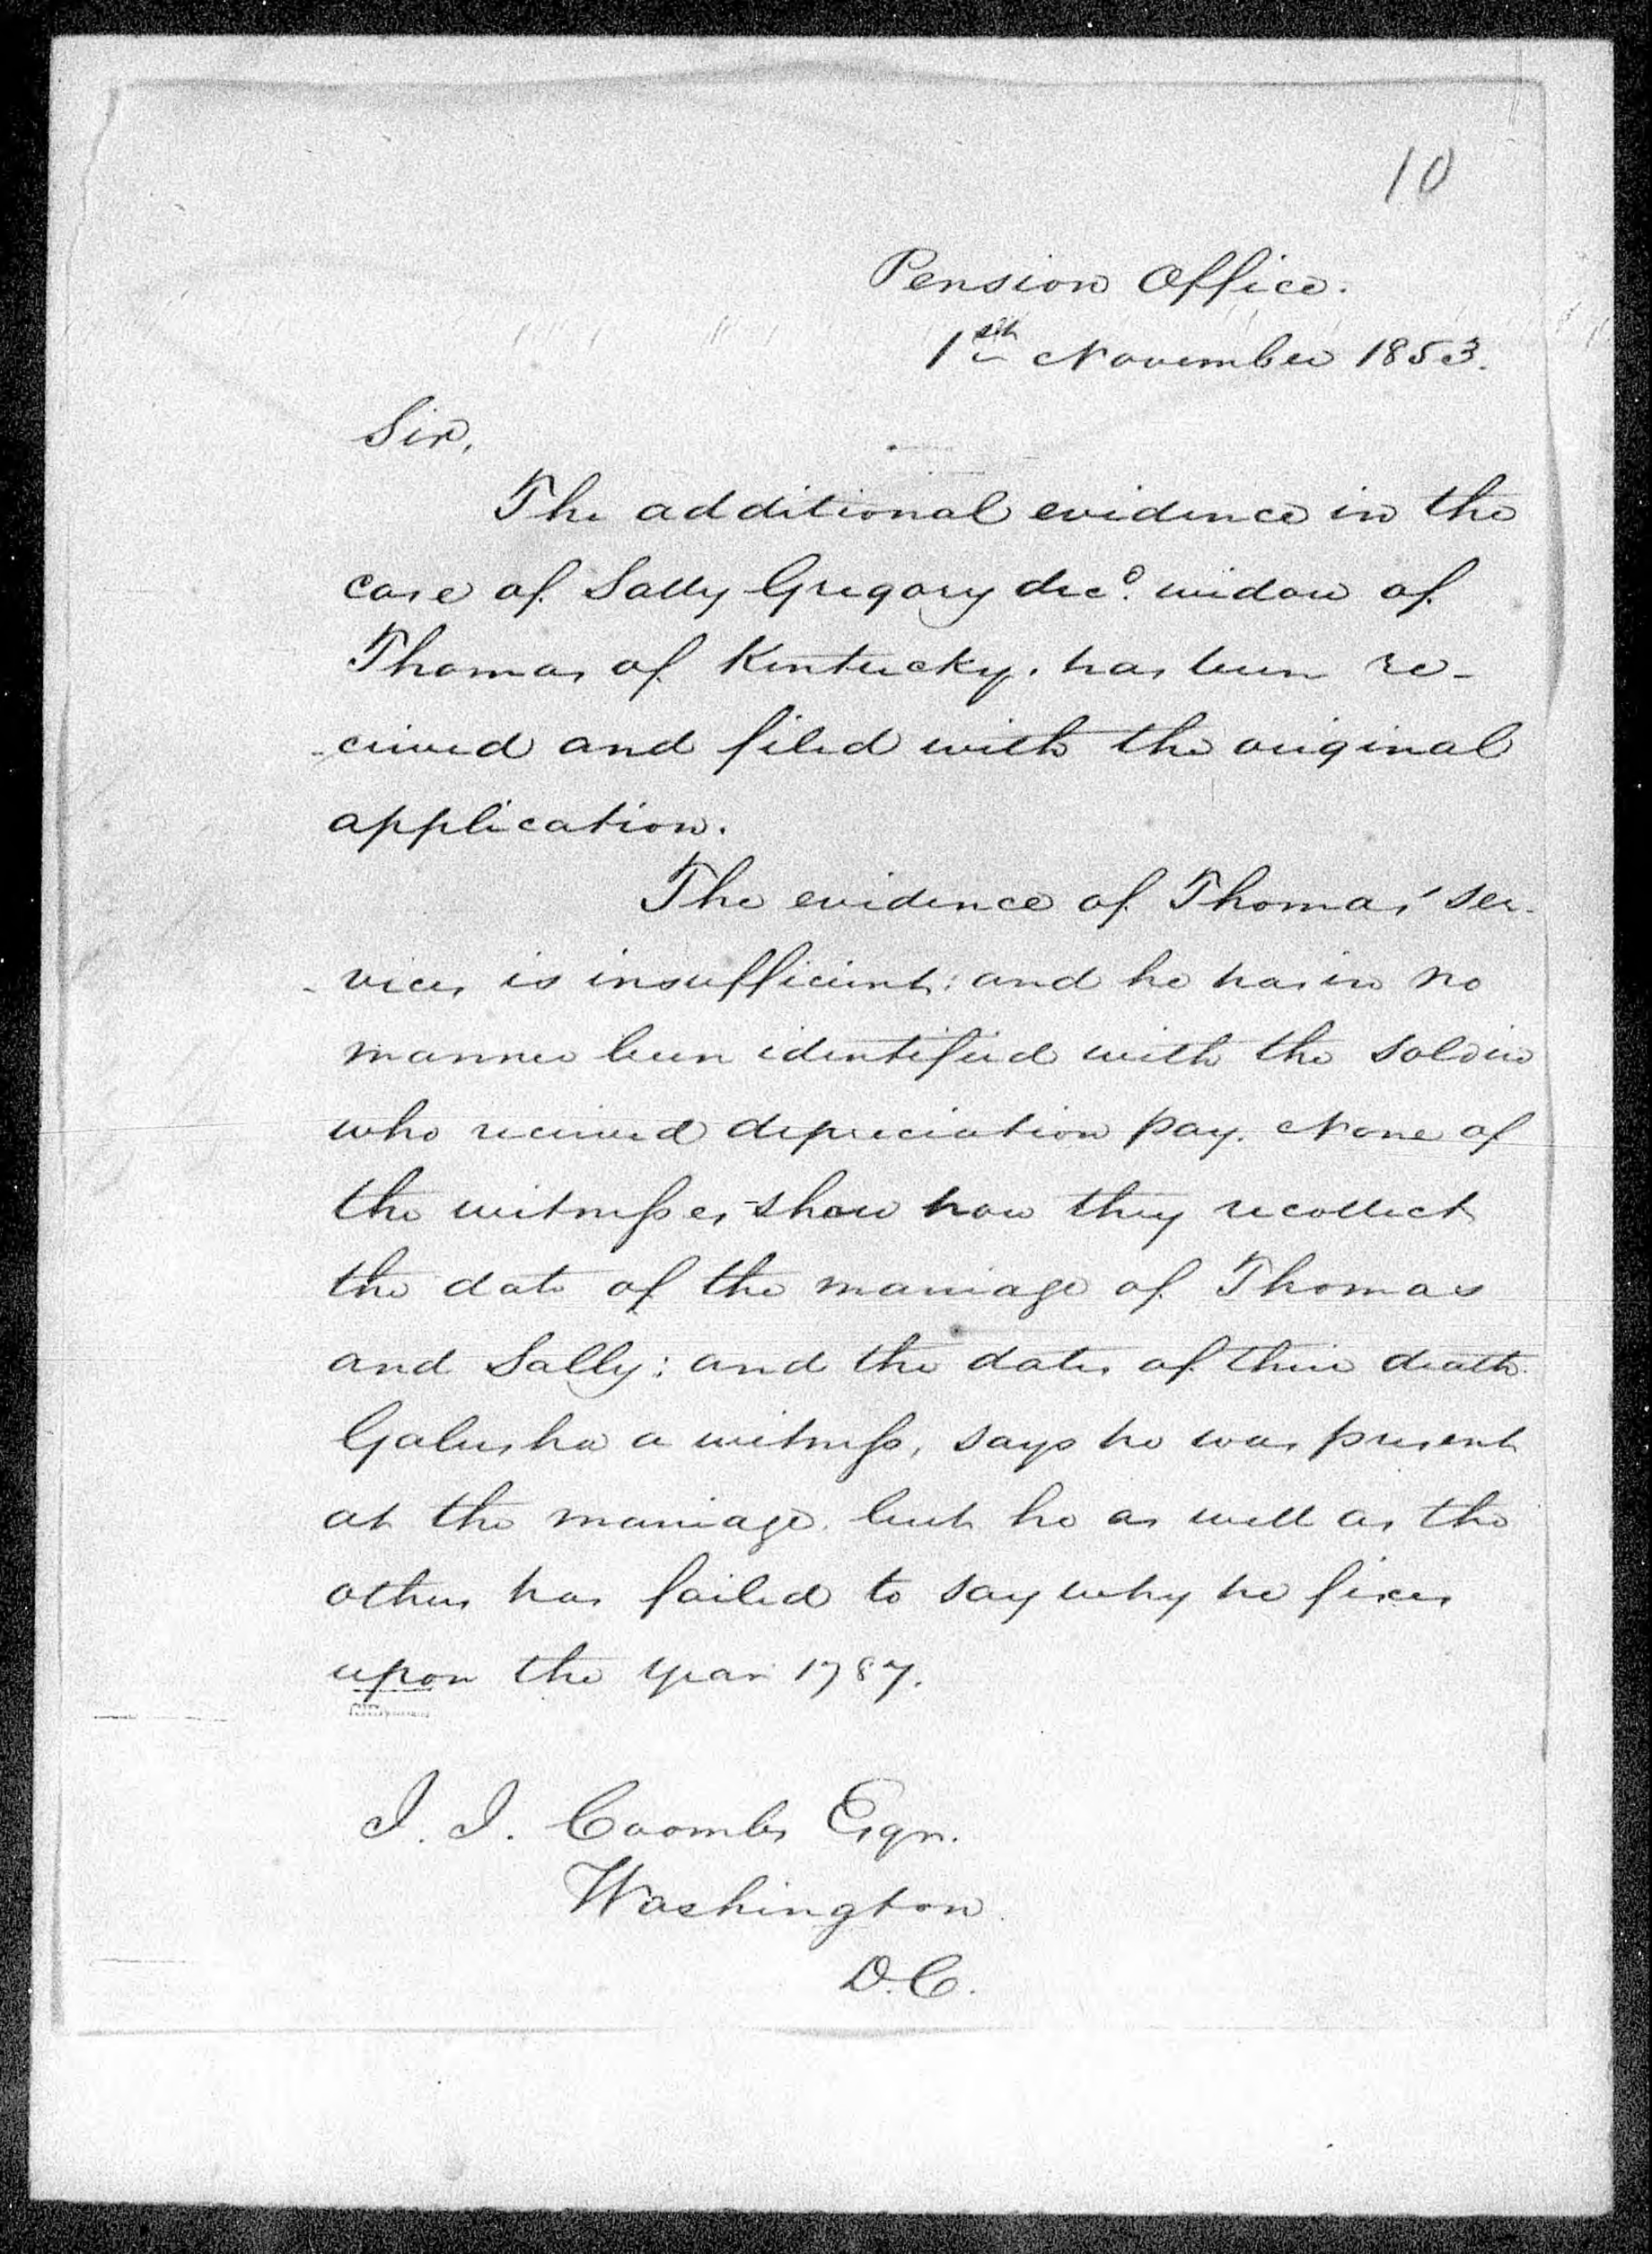10
Pension Office.
1st November 1853
Sir,
The additional evidence in the case of Sally Gregory dec'd widow of Thomas of Kentucky, has been received and filed with the original application.
The evidence of Thomas' service is insufficient, and he has in no manner been identified with the soldier who received depreciation pay.  None of the witnesses show how they recollect the date of the marriage of Thomas and Sally; and the dates of their death. Galusha a witness says he was present at the marriage but he as well as the other has failed to say why he fixed upon the year 1787.

J. J. Coombs, Esqr.
Washington
D.C.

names: Thomas, J J Coombs, Sally, Sally Gregory, Thomas, Thomas Gregory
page: 35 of 75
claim: widow's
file: W. 8876, Thomas Gregory, Continental Va